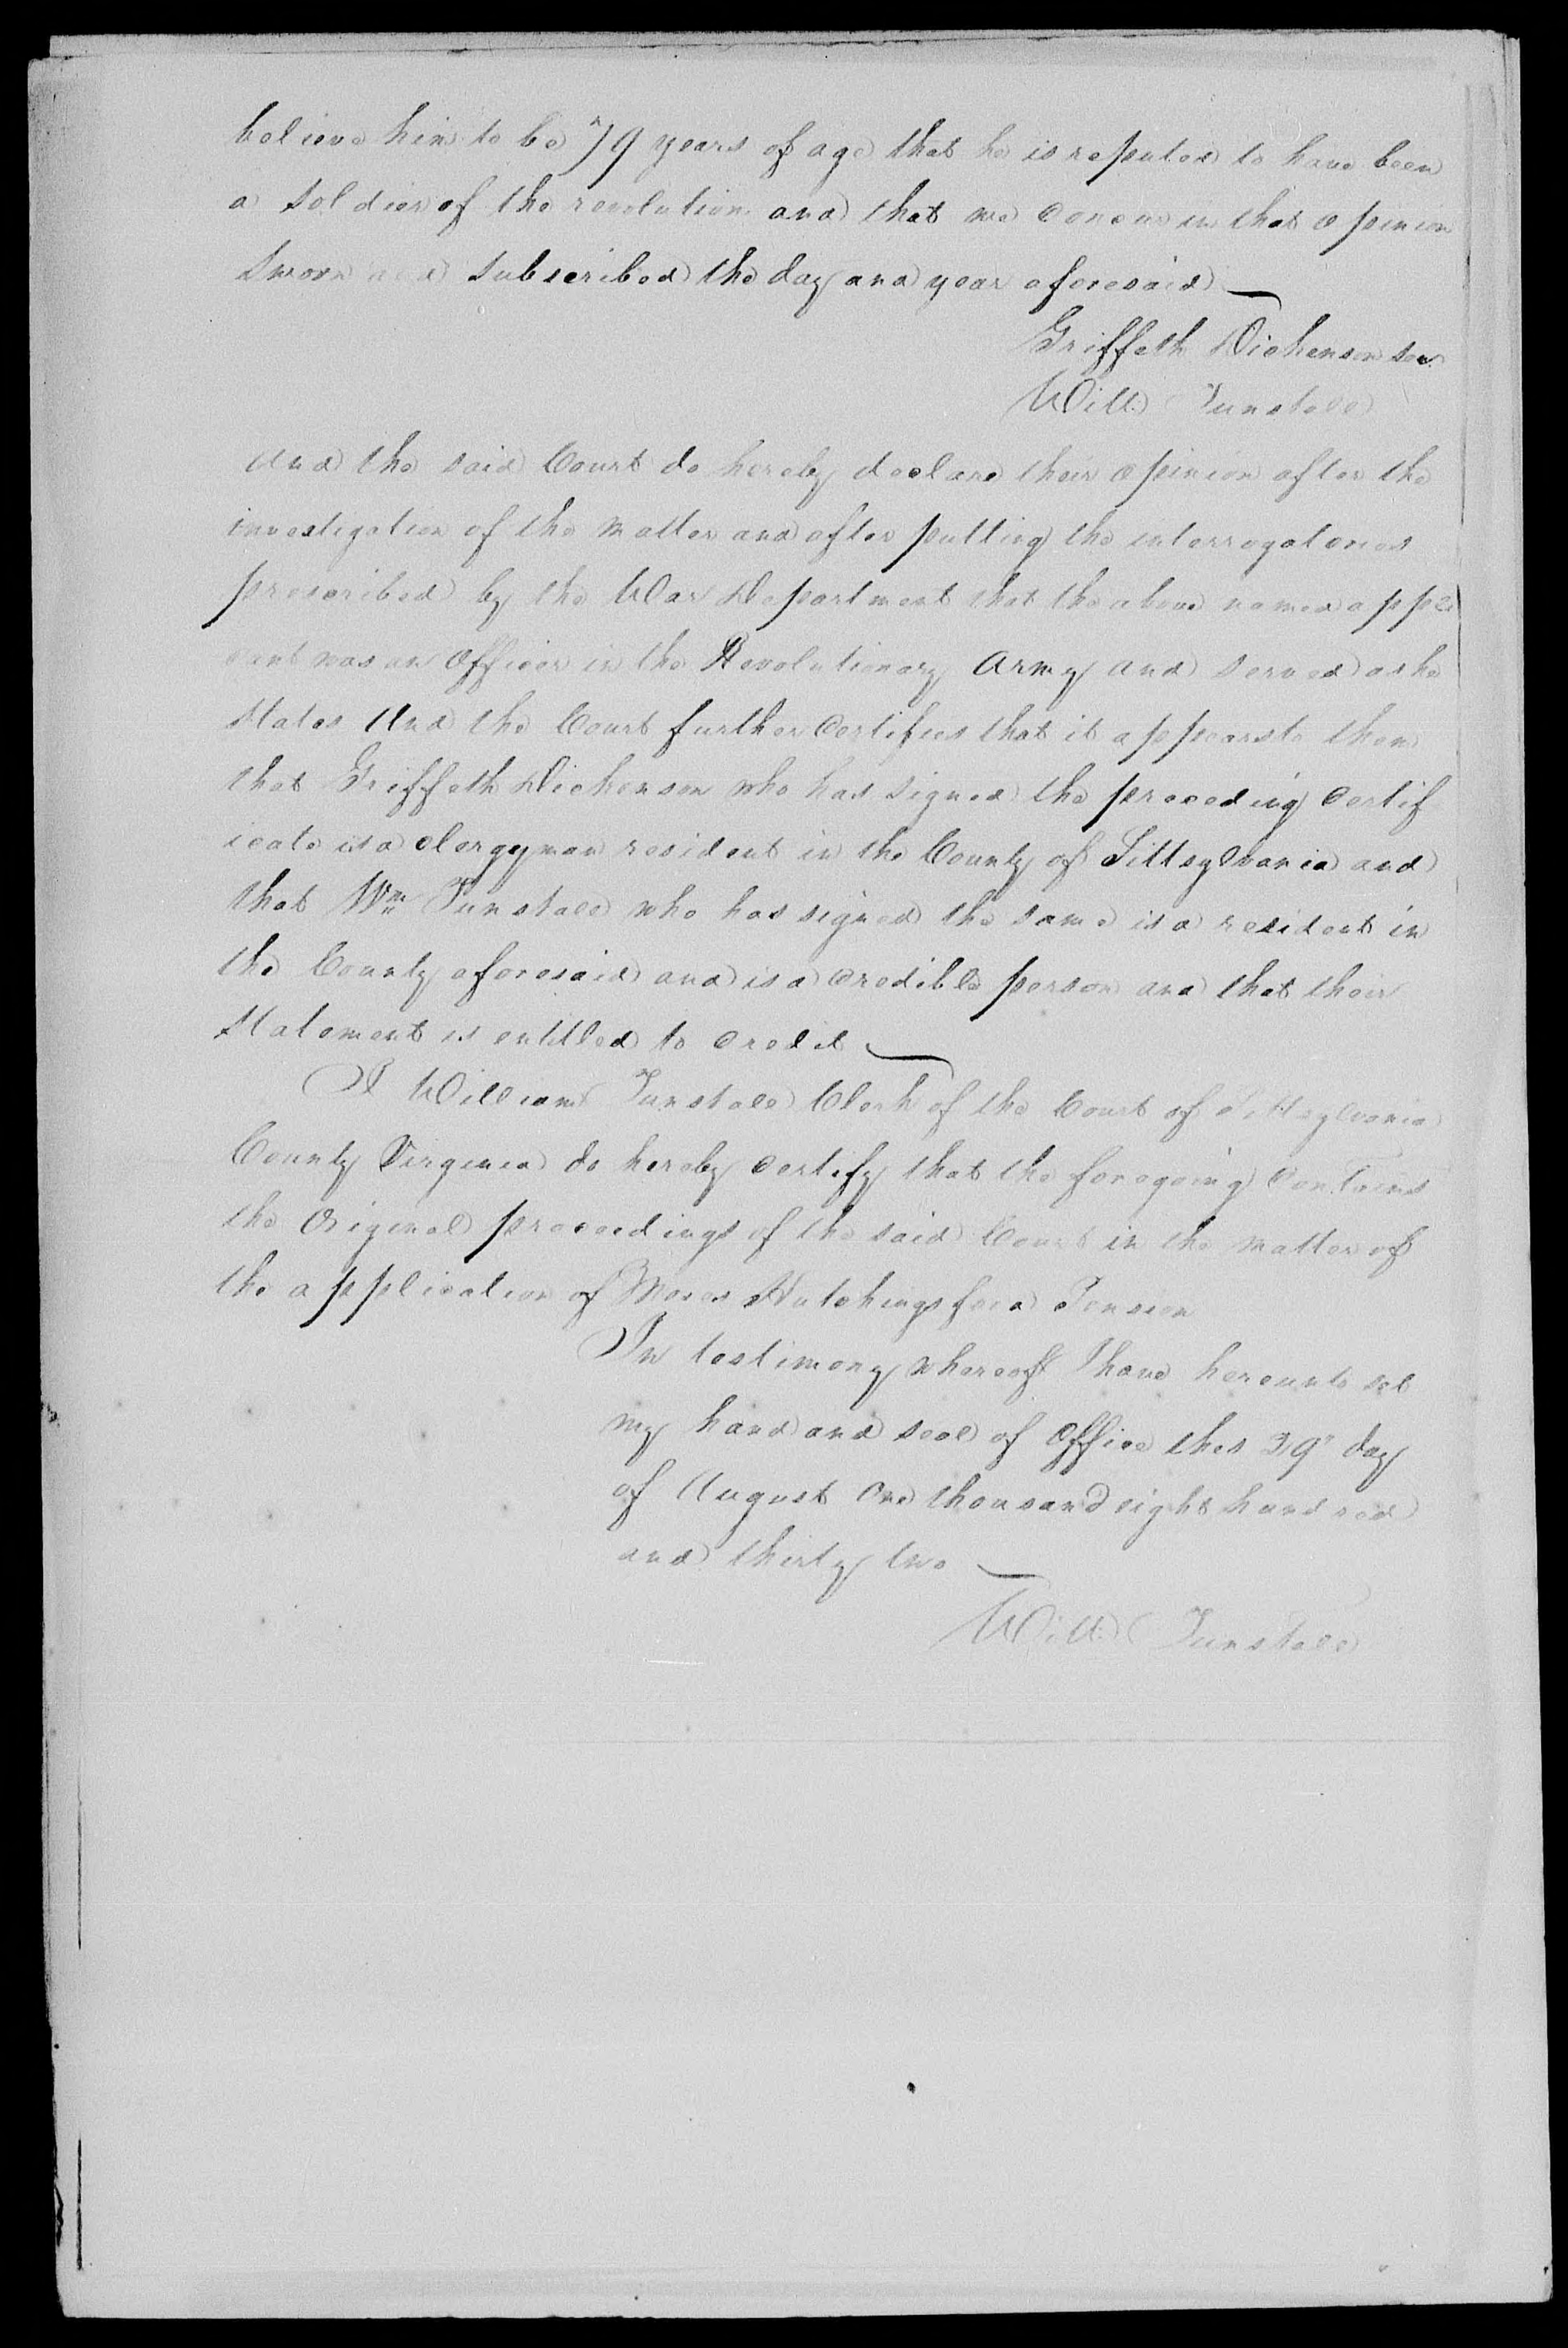believe him to be 79 years of age that he is reputed to have been a soldier of the revolution and that we concur in that opinion 
Sworn and Subscribed the day and year aforesaid 
Griffith Dickenson Sen 
Will Tunstale 

And the said Court do hereby declare their opinion after the investigation of the matter and after pulling the interrogatories prescribed by the War Department that the above named applicant was an officer in the Revolutionary Army and served as he States and the Court further certifies that it appears to them that Griffith Dickenson who has signed the preceding certificate is a clergyman resident in the County of Pittsylvania and that Wm Tunstale who has signed the same is a resident in the County aforesaid and is a credible person and that their statement is entitled to credit –
I, William Tunstale Clerk of the Court of Pittsylvania County Virginia do hereby certify that the foregoing contains the original proceedings of the said Court in the matter of the application of Moses Hutchings for a Pension 
In testimony whereof I have hereunto set my hand and seal of Office this 29" day of August One thousand eight hundred and thirty two --- 
Will Tunstale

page: 6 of 18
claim: survivor's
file: S. 8742, for Moses Hutchings, Virginia